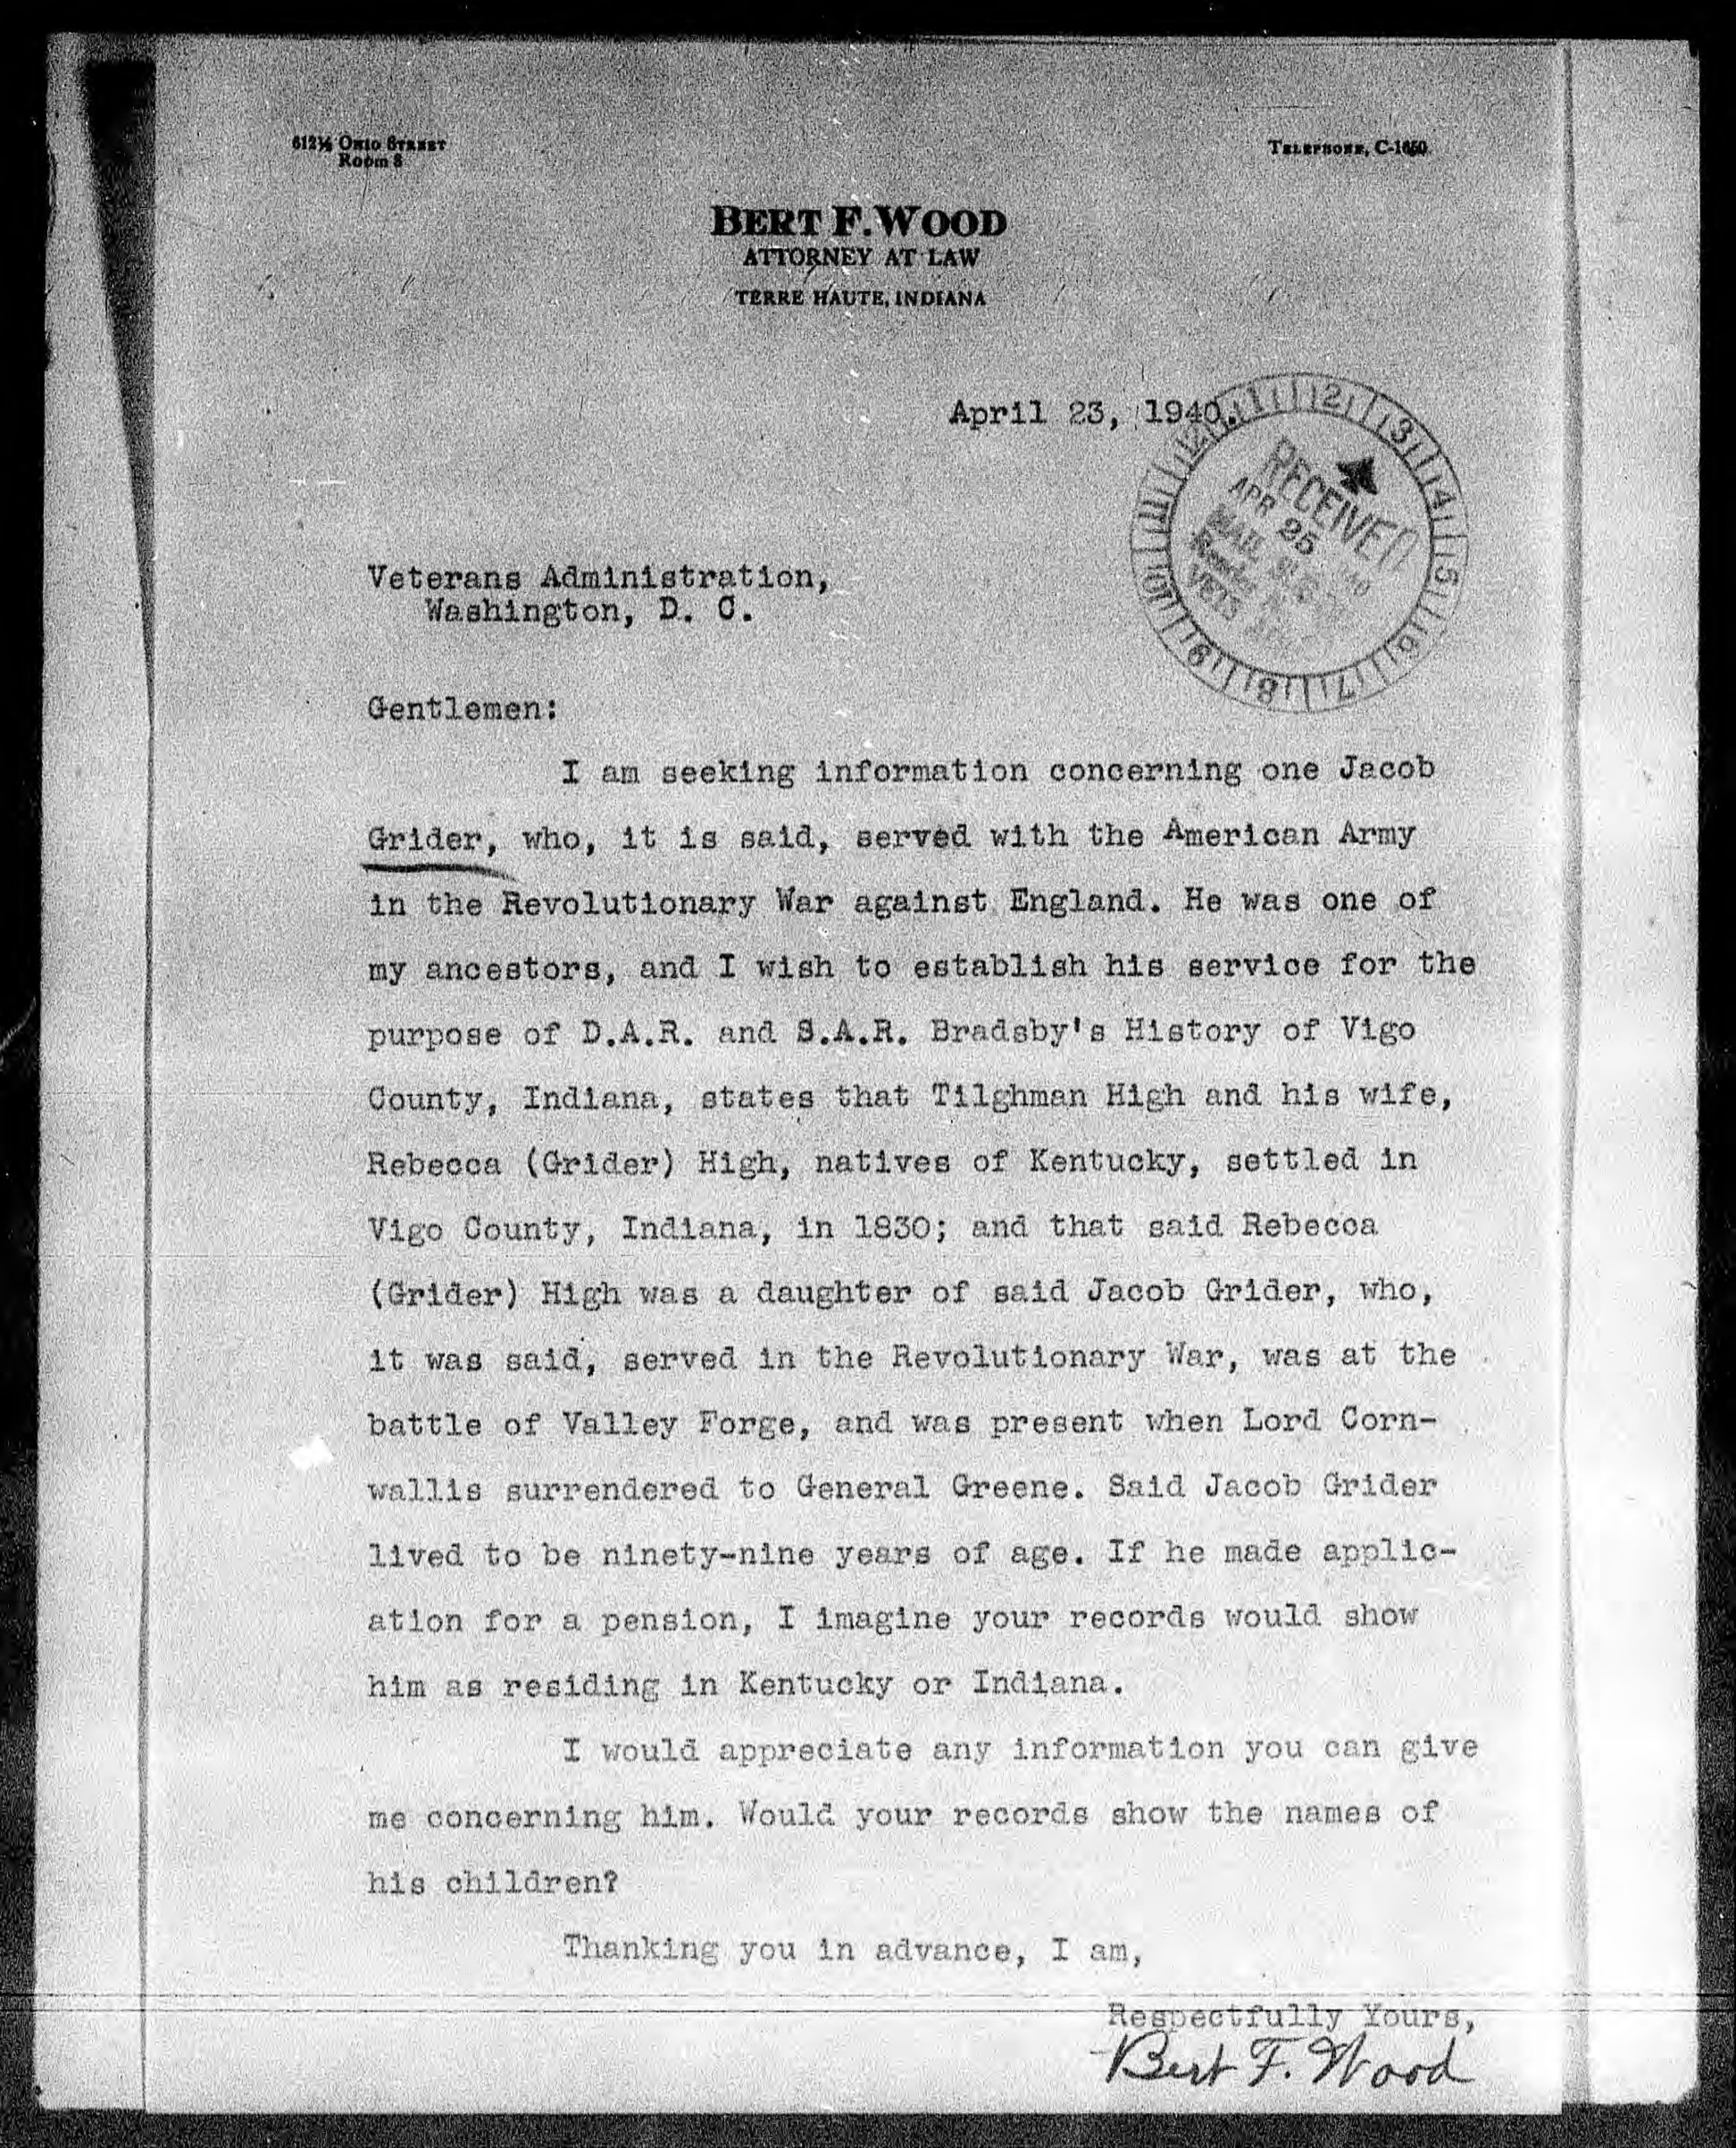[top left of page]
612 1/2 OHIO STREET
Room 8

[top right of page]
TELEPHONE, C-1650

[letterhead]
BERT F. WOOD
ATTORNEY AT LAW
TERRE HAUTE, INDIANA

[circular stamped ink seal]
RECEIVED
APR 25 1940
MAIL [illegible]
RENDER [illegible]
VETS [illegible]

[type print]
April 23, 1940

Veterans Administration,
Washington, D. C.

Gentlemen:
I am seeking information concerning on Jacob Grider, who, it is said, served with the American Army in the Revolutionary War against England. He was one of my ancestors, and I wish to establish his service for the purpose of D.A.R. and S.A.R. Bradsby's History of Vigo County, Indiana, states that Tilgham High and his wife, Rebecca (Grider) High, natives of Kentucky, settled in Vigo County, Indiana, in 1830; and that said Rebecca (Grider) High was a daughter of said Jacob Grider, who, it was said, served in the Revolutionary War, was at the battle of Valley Forge, and was present when Lord Cornwallis surrendered to General Greene. Said Jacob Grider lived to be ninety-nine years of age. If he made application for a pension, I imagine your records would show him as residing in Kentucky or Indiana.
I would appreciate any information you can give me concerning him. Would your records show the names of his children?
Thanking you in advance, I am,
Respectfully Yours,
Bert F. Wood [signature]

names: Rebecca Grider, Jacob Grider, Rebecca High, Bert F Wood, Jacob Grider, Jacob Grider, Bert F Wood, Cornwallis, Greene, Rebecca High, Rebecca Grider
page: 5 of 10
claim: rejected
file: R. 4302, Jacob Grider, Va